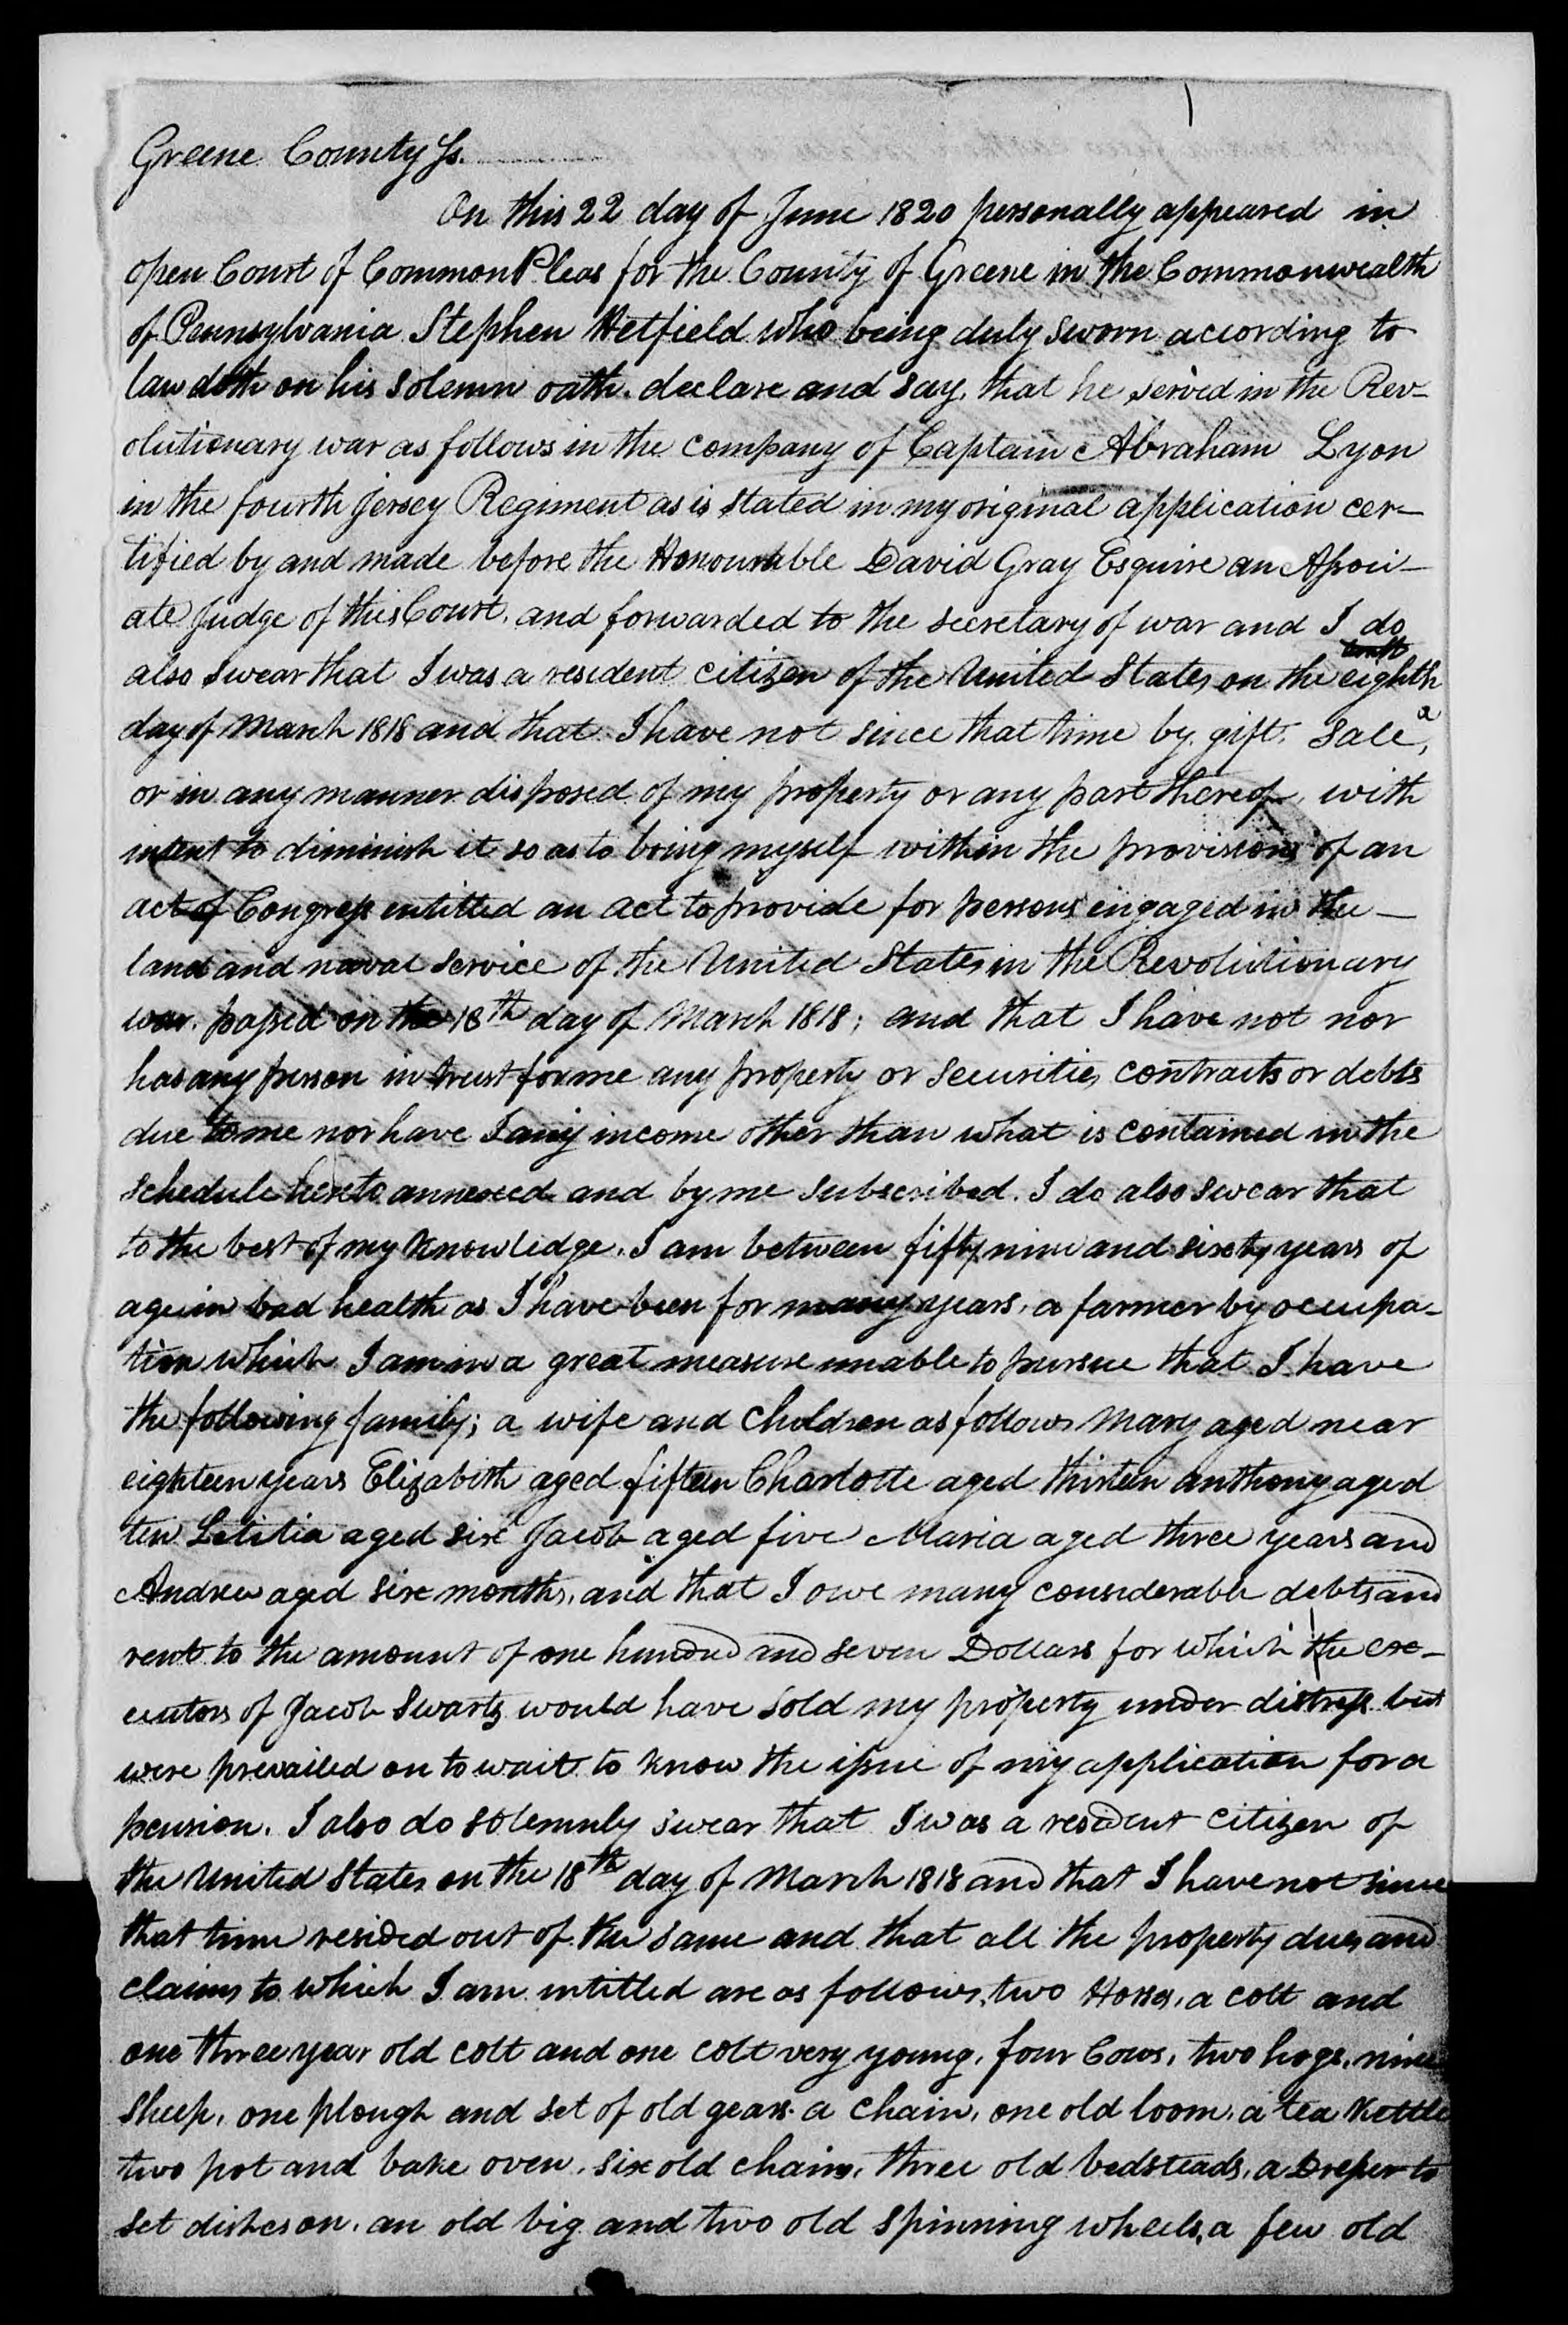Greene County Ss.

On this 22 day of June 1820 personally appeared in
open Court of Common Pleas for the County of Greene in the Commonwealth
of Pennsylvania Stephen Hetfield who being duly sworn according to
law doth on his solemn oath declare and say that he served in the Revolutionary
war as follows  in the company of Captain Abraham Lyon
in the fourth Jersey Regiment as is stated in my original application certified
by and made before the Honourable David Gray Esquire, an Associate
Judge of this Court, and forwarded to the secretary of war and I do
[word written and crossed out below that]
also Swear that I was a resident citizen of the United States on the eighth
day of March 1818 and that I have not since that time by gift, Sale, 
or in any manner disposed of my property or any part thereof with
intent to diminish it so as to bring myself within the provision of an
act of Congress entitled an Act to provide for persons engaged in the -
land and naval service of the United States in the Revolutionary
war.  passed on the 18th day of March 1818; and that I have not nor
has any person in trust for me any property or securities contracts or debts
due to me nor have I any income other than what is contained in the
schedule hereto annexed and by me subscribed. I do also swear that
to the best of my knowledge, I am between fifty nine and sixty years of
age in bad health as I have been for many years, a farmer by occupation
which I am in a great measure unable to pursue that I have
the following family; a wife and children as follows Mary aged near
eighteen years Elizabith aged fifteen Charlotte aged thirteen Anthony aged
ten Letitia aged six Jacob aged five Maria aged three years and
Andrew aged six months, and that I owe many considerable debts and
rent to the amount of one hundred and seven Dollars for which the executors
of Jacob Swartz would have Sold my property under distress but
were prevailed on to wait to know the issue of my application for a
pension. I also do solemnly swear that I was a resident citizen of
the United States on the 18th day of March 1818 and that I have not since
that time resided out of the same and that all of the property dues and
claims to which I am intitled are as follows, two Horses, a colt and
one three year old colt and one colt very young, four Cows, two hogs, nine
Sheep, one plough and Set of old gears a chain, one old loom, a tea Kettle
two pot and bake oven. Six old chains, three old bedsteads, a Dresser to
Set dishes on, an old big and two old Spinning wheels, a few old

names: Andrew, Stephen Hetfield, Jacob Swartz, Abraham Lyon, Anthony, Letitia, Elizabeth, Charlotte, Jacob, David Gray, Mary, Maria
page: 5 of 45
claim: widow's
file: W. 2734, Stephen Hetfield, New Jersey